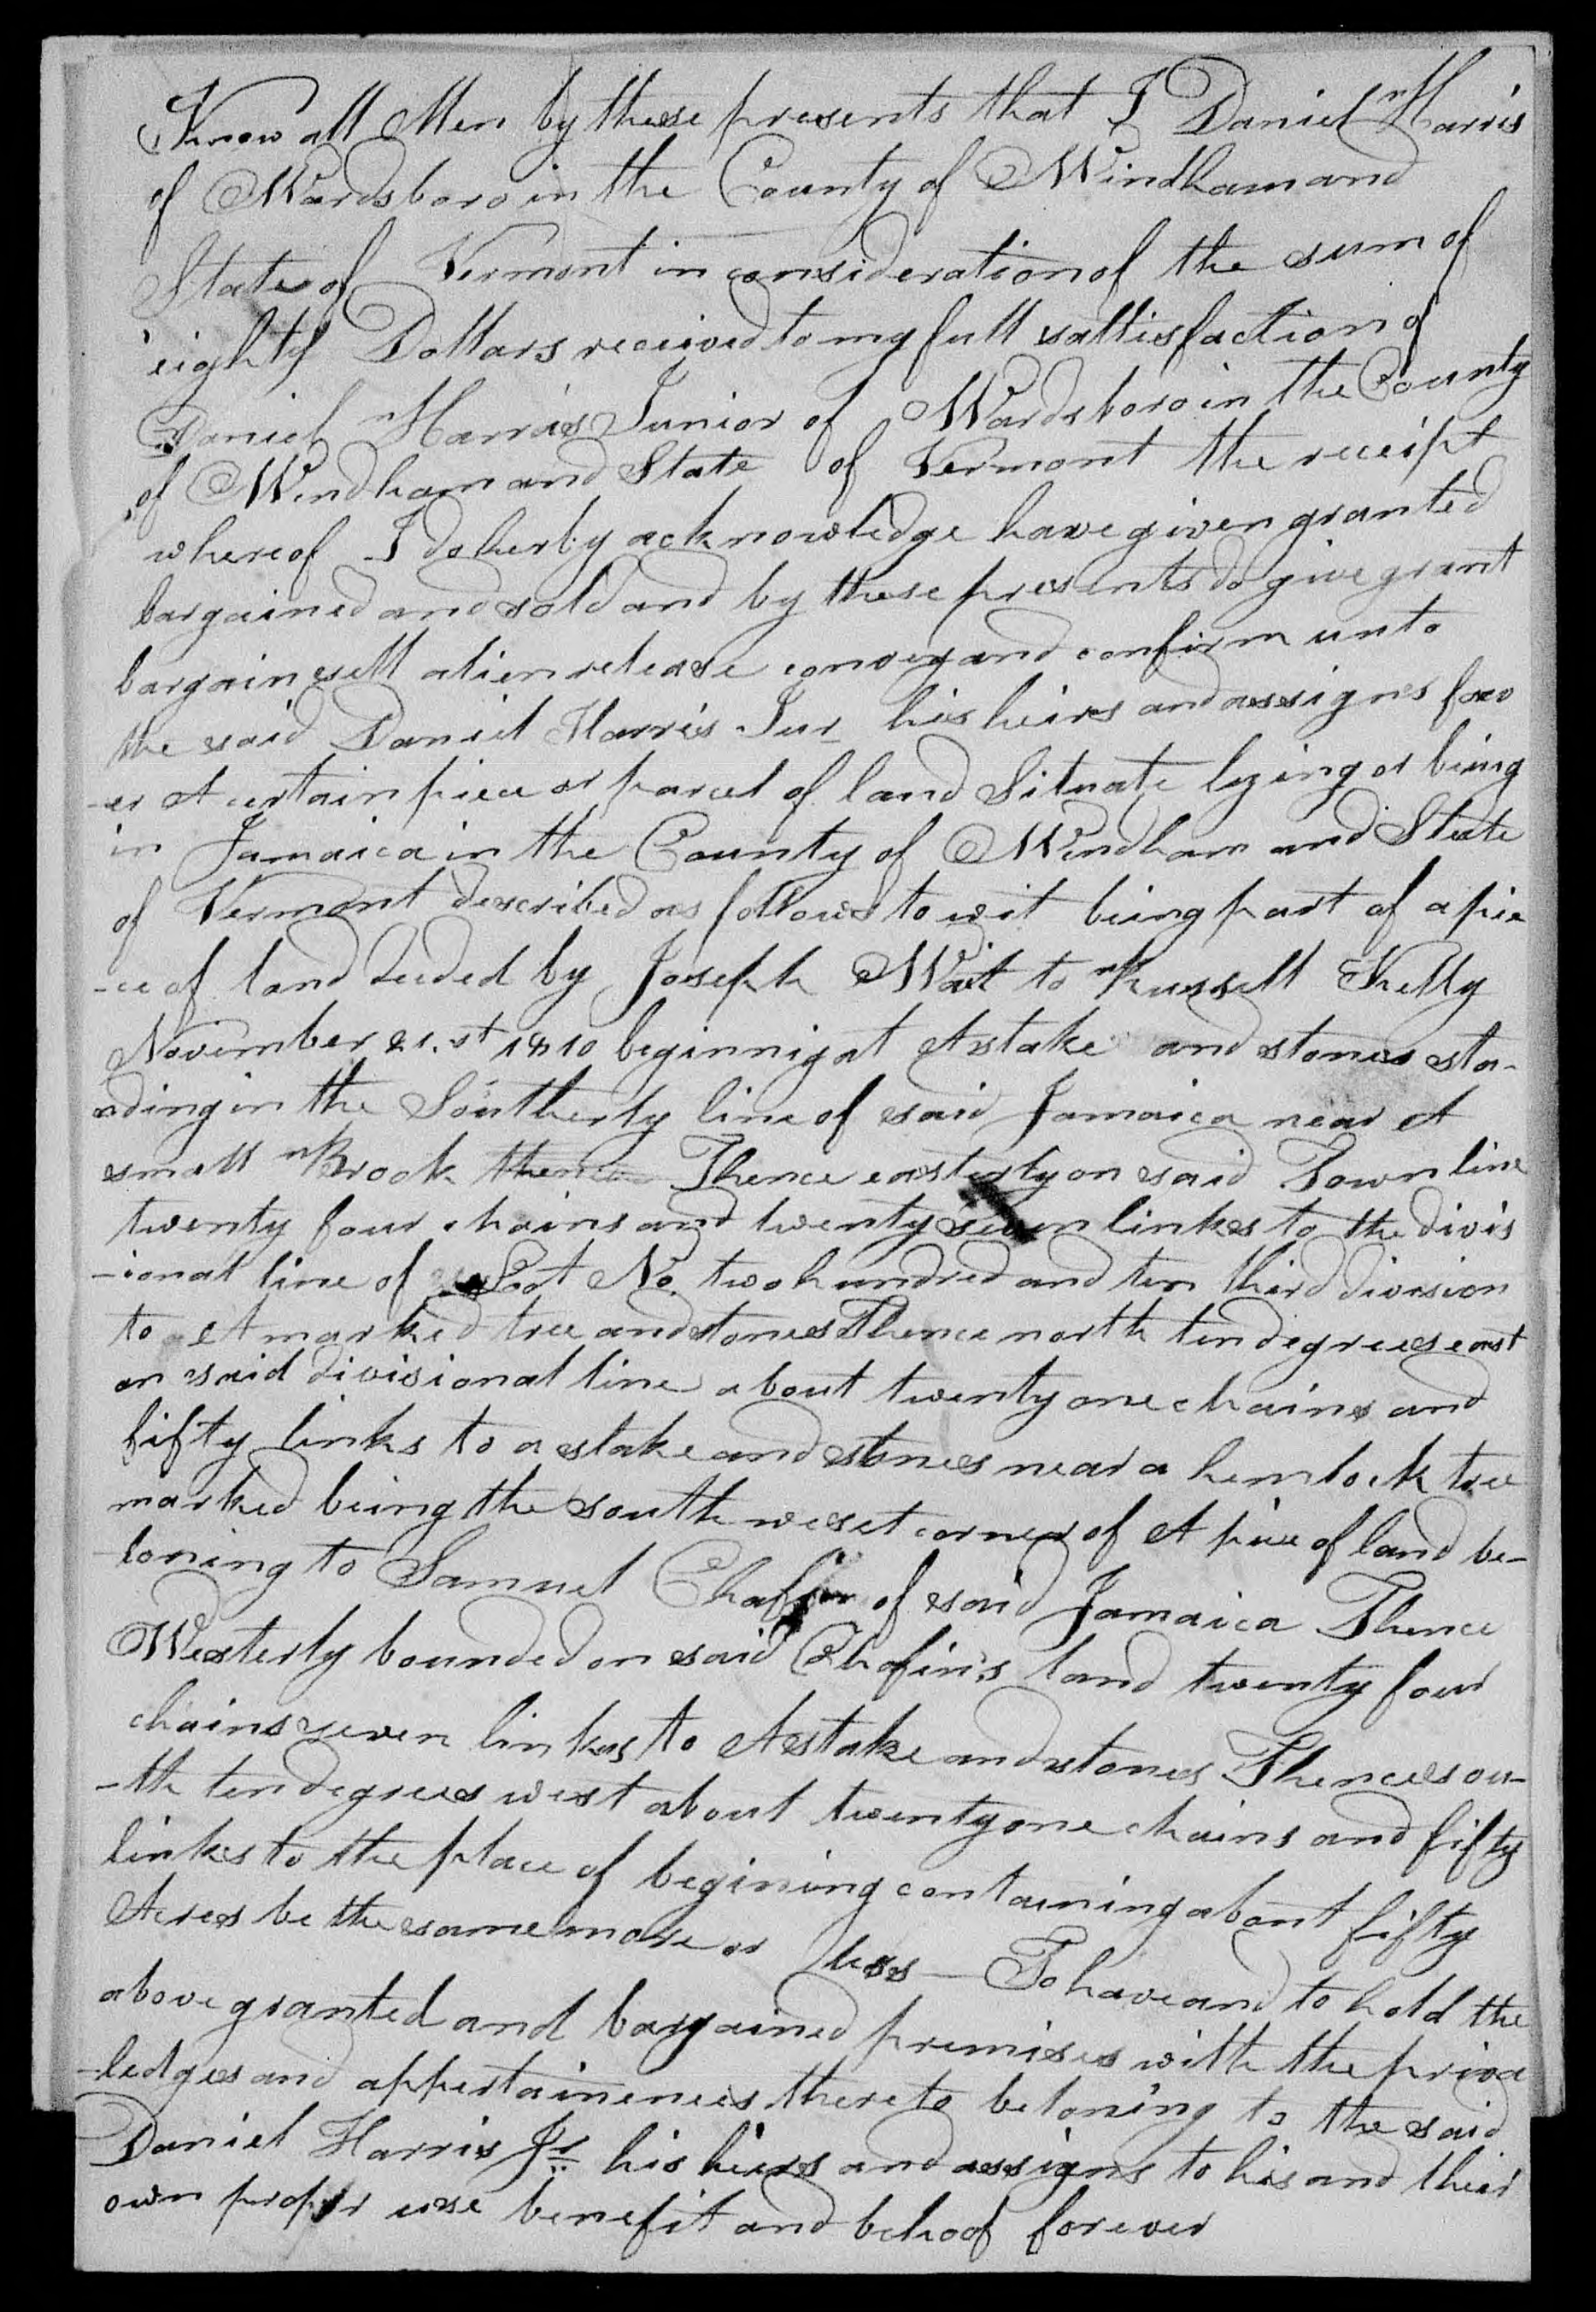Know all Men by these presents that I Daniel Harris of Wardsboro in the County of Windham and State of Vermont in consideration of the sum of Eighty Dollars received to my full satisfaction of Daniel Harris Junior of Wardsboro in the County of Windham and State of Vermont the receipt whereof I do hereby acknowledge
having given granted bargained and sold and by these presents do give grant bargain will claim release (illegible) and confirm unto the said Daniel Harris Jur his heirs and assign former a certain piece or parcel of land Situate laying or being in Jamaica in the County of Windham and State of Vermont described as follows to ease being front of a piece of land deeded by Joseph Wait to Russell Kelley November 21st 1810 beginning at a stake and stones starting in the southernly line of said Jamaica near A small brook. Thence easterly on said town line twenty four chains and twenty seven links to the divisional line of (illegible) No. two hundred and ten third division to a
marked tree and stones. Thence north ten degrees west on said divisional line about twenty one chains and fifty links to a stake and stones near a hemlock tree marked being the southwest corner of A piece of land belonging to Samuel Chafin of said Jamaica Thence westerly bounded on said Chafin's land twenty four chains seven links to A stake and stones. Thence south ten degrees west about twenty one chains and fifty links to the place of beginning containing about fifty acres be the same more or less. To have and to hold the above granted and bargained premises with
the priviledges and (illegible) thereto belonging to said Daniel Harris Jr his heirs and assigns to him and their own proper use benefit and behoof forever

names: Samuel Chaffin, Joseph Wait, Russell Kelly, Daniel Harris, Daniel Harris, Daniel Harris, Daniel Harris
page: 48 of 68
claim: survivor's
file: S. 29,877, Daniel Harris, Mass.